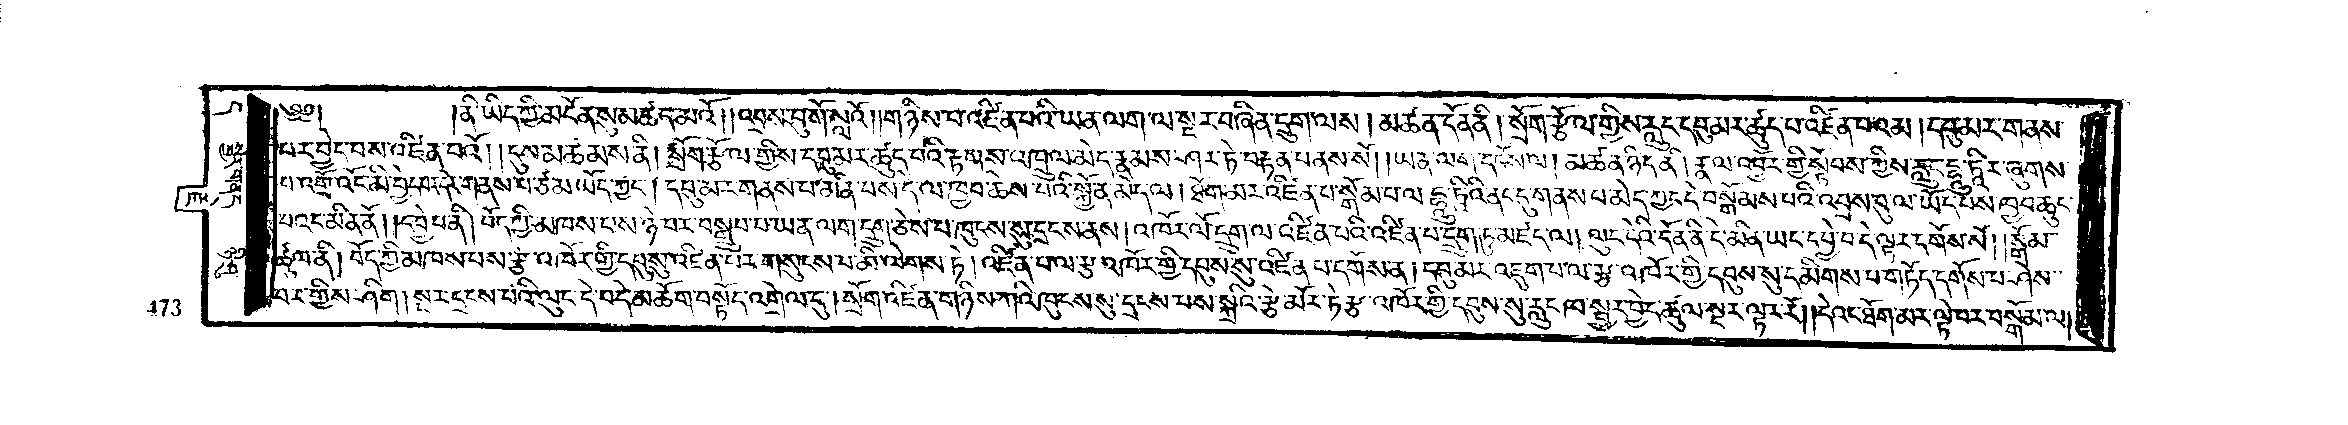༄༅། །ནི་ཡིད་ཀྱི་མངོན་སུམ་ཚད་མའོ། །འབྲས་བུ་གོ་སླའོ། །གཉིས་པ་འཛིན་པའི་ཡན་ལག་ལ་སྔར་བཞིན་དྲུག་ལས། མཚན་དོན་ནི། སྲོག་རྩོལ་གྱིས་རླུང་དབུ་མར་ཚུད་པ་འཛིན་པའམ། དབུ་མར་གནས་
པར་བྱེད་པས་འཛིན་པའོ། །དུས་མཚམས་ནི། སྲོག་རྩོལ་གྱིས་དབུ་མར་ཚུད་པའི་རྟགས་འཁྲུལ་མེད་རྣམས་ཤར་ཏེ་བརྟན་པ་ནས་སོ། །ཡན་ལག་དངོས་ལ། མཚན་ཉིད་ནི། རྣལ་འབྱོར་གྱི་སྟོབས་ཀྱིས་རླུང་དྷཱུ་ཏཱིར་ཞུགས་
པ་འགྲོ་འོང་མི་བྱེད་བར་དེར་གནས་པ་ཙམ་ཡོད་ཀྱང་། དབུ་མར་གནས་པ་མིན་པས་དེ་ལ་ཁྱབ་ཆེས་པའི་སྐྱོན་མེད་ལ། ཐོག་མར་འཛིན་པ་སྒོམ་པ་ལ་དྷཱུ་ཏཱིའི་ནང་དུ་གནས་པ་མེད་ཀྱང་དེ་བསྒོམས་པའི་འབྲས་བུ་ལ་ཡོད་པས་ཁྱབ་ཆུང་
པའང་མིན་ནོ། །དབྱེ་བ་ནི། བོད་ཀྱི་མཁས་པས་ཉེ་བར་བསྒྲུབ་པ་ཡན་ལག་དྲུག་ཅེས་པ་ཁུངས་སུ་དྲངས་ནས། འཁོར་ལོ་དྲུག་ལ་འཛིན་པའི་འཛིན་པ་དྲུག་ཏུ་མཛད་ལ། ལུང་དེའི་དོན་ནི་དེ་མིན་ཡང་དབྱེ་བ་དེ་ལྟར་དགོས་སོ། །སྒོམ་
ཚུལ་ནི། བོད་ཀྱི་མཁས་པས་རྩ་འཁོར་གྱི་དབུ་སུ་འཛིན་པར་གསུངས་པ་མི་ལེགས་ཏེ། འཛིན་པ་ལ་རྩ་འཁོར་གྱི་དབུས་སུ་འཛིན་པ་དགོས་ན། དབུ་མར་འཇུག་པ་ལ་རྩ་འཁོར་གྱི་དབུས་སུ་དམིགས་པ་གཏོད་དགོས་པ་ཤེས་
པར་གྱིས་ཤིག། སྔར་དྲངས་པའི་ལུང་དེ་བདེ་མཆོག་བསྟོད་འགྲེལ་དུ། སྲོག་འཛིན་གཉིས་ཀའི་ཁུངས་སུ་དྲངས་པས་སྐྲའི་རྩེ་མོར་ཏེ་རྩ་འཁོར་གྱི་དབུས་སུ་རླུང་ཁ་སྦྱར་བྱེད་ཚུལ་སྔར་ལྟར་རོ། །དེའང་ཐོག་མར་ལྟེ་བར་བསྒོམ་ལ།